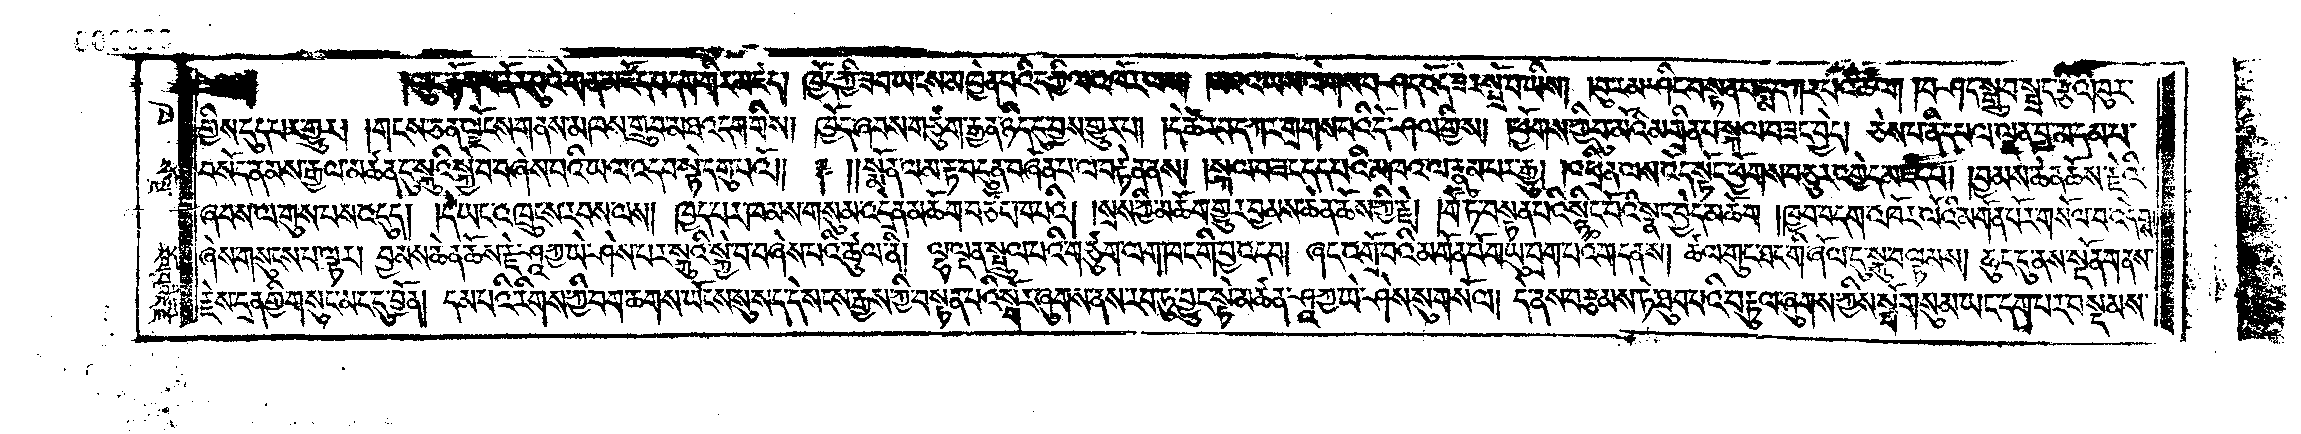༄༅། །ལུང་རྟོགས་ནོར་བུའི་གན་མཛོད་བདག་གིར་མཛད། ཁྱོད་ཀྱི་ཟབ་ཡངས་མཁྱེན་པའི་དཀྱིལ་འཁོར་ལས། །མཐའ་ཡས་ལེགས་བཤད་འོད་ཟེར་སྤྲོ་བ་ཡིས། །བུ་རམ་ཤིང་བསྟན་པདམ་དཀར་པོའི་ཚལ། །བཤད་སྒྲུབ་སྦྲང་རྩིའི་ཁུར་
གྱིས་དུད་པར་གྱུར། །གངས་ཅན་ལྗོངས་གནས་མཁས་གྲུབ་མཐའ་དག་གིས། ཁྱོད་ཞབས་གཙུག་རྒྱན་ཉིད་དུ་བྱས་གྱུར་པ། །དེ་ཚེ་རབ་དཀར་གྲགས་པའི་དོ་ཤལ་གྱིས། །ཕྱོགས་ཀྱི་བུ་མོའི་མགྲིན་པ་སྐལ་བཟང་བྱེད། ཅེས་པ་ནི་དཔལ་ལྡན་བླ་མ་དམ་པ་
བསོད་ནམས་རྒྱལ་མཚན་དུ་སྐུའི་སྐྱེ་བ་བཞེས་པའི་ཡལ་འདབ་སྟེ་དགུ་པའོ།། ༈ །།སྨོན་ལམ་རྟ་བདུན་བཞོན་པ་ལ་བརྟེན་ནས། །སྐལ་བཟང་དད་པའི་མཁའ་ལ་རྣམ་པར་རྒྱུ། །འཕྲིན་ལས་འོད་སྟོང་ཕྱོགས་བཅུར་འགྱེད་མཛད་པ། །བྱམས་ཆེན་ཆོས་རྗེའི་
ཞབས་ལ་གུས་པས་འདུད། །དེ་ཡང་འཁྲུངས་རབས་ལས། ཁྱད་པར་ཁམས་གསུམ་འདྲེན་མཆོག་བཙོང་ཁ་པའི། །སྲས་ཀྱི་མཆོག་གྱུར་བྱམས་ཆེན་ཆོས་ཀྱི་རྗེ། །གཽ་ཏ་བསྟན་པའི་སྙིང་པོའི་སྣང་བྱེད་མཆོག །ཁྱབ་བདག་འཁོར་ལོའི་མགོན་པོར་གསོལ་བ་འདེབས་
ཞེས་གསུངས་པ་ལྟར། བྱམས་ཆེན་ཆོས་རྗེ་ཤཱཀྱ་ཡེ་ཤེས་པར་སྐུའི་སྐྱེ་བ་བཞེས་པའི་ཚུལ་ནི། ལྷ་ལྡན་སྤྲུལ་པའི་གཙུག་ལག་ཁང་གི་བྱ་འདབ། ཞང་འགྲོ་བའི་མགོན་པོ་གཡུ་བྲག་པཱྀ་གདན་ས། ཚལ་གུང་ཐང་གི་ཞོལ་དུ་སྐུ་བལྟམས། ཆུང་དུ་ནས་སྔོན་གནས་
རྗེས་དྲན་གྱི་གསུང་མང་དུ་བྱོན། དམ་པའི་རིགས་ཀྱི་བག་ཆགས་ཡོངས་སུ་སད་དེ་སངས་རྒྱས་ཀྱི་བསྟན་པའི་སྒོར་ཞུགས་ནས་རབ་ཏུ་བྱུང་སྟེ་མཚན་ཤཱཀྱ་ཡེ་ཤེས་སུ་གསོལ། དེ་ནས་བརྩམས་ཏེ་ཐུབ་པའི་བརྟུལ་ཞུགས་ཀྱིས་སྒོ་གསུམ་ཡང་དག་པར་བསྡམས་